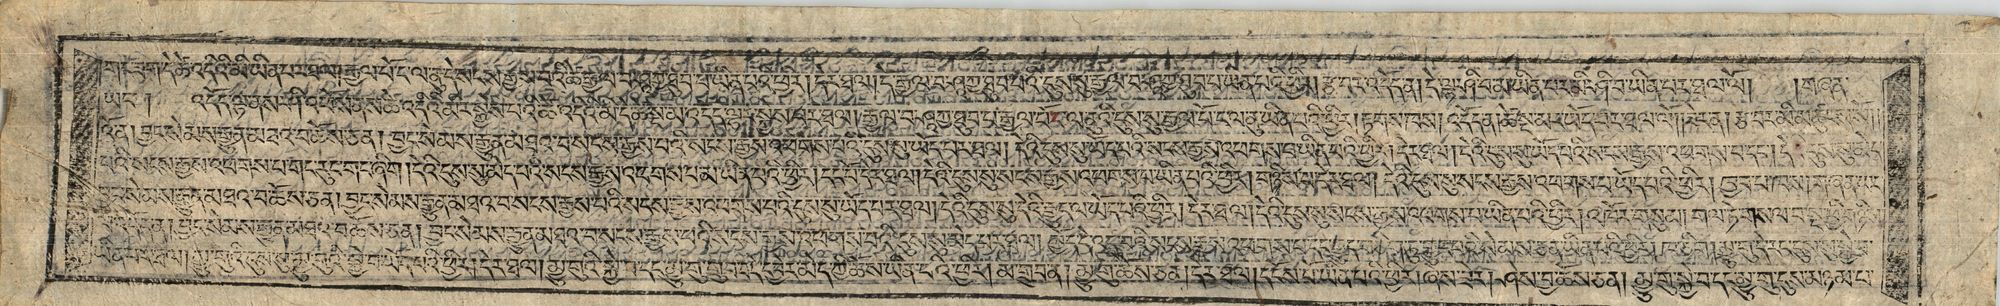གང་ཟག་དེ་ཚེ་འདིའི་མི་ཡིན་པར་ཐལ། རྒྱལ་པོ་ང་ལ་ནུ་དེ་སངས་རྒྱས་པའི་ཚེ་རྒྱལ་བ་ཤཱཀྱ་ཐུབ་པ་ཡིན་པའི་ཕྱིར། དེར་ཐལ། དེ་རྒྱལ་བ་ཤཱཀྱ་ཐུབ་པའི་དུས་སུ་རྒྱལ་བ་ཤཱཀྱ་ཐུབ་པ་ཡིན་པའི་ཕྱིར། རྩ་བར་འདོད་ན། དེ་ལྷ་ཤི་བ་མ་ཡིན་པར་མི་ཤི་བ་ཡིན་པར་ཐལ་ལོ། །གཞན་
ཡང་། འདོད་ལྷ་ནས་ཤི་འཕོས་ནས་ཚེ་འདིའི་མིར་སྐྱེས་པའི་ཚེ་འདིའི་མི་དེ་ཚེ་སྔ་མ་འདོད་ལྷར་སྐྱེས་པར་ཐལ། རྒྱལ་བ་ཤཱཀྱ་ཐུབ་པ་རྒྱལ་པོ་ང་ལ་ནུའིདུས་སུ་རྒྱལ་པོ་ང་ལ་ནུ་ཡིན་པའི་ཕྱིར། རྟགས་ཁས། འདོད་ན། ཚེ་སྔ་མར་ཡོད་པར་ཐལ་ལོ། །ཟེར་ན། རྩ་བར་མི་མཚུངས་སོ། །
འོ་ན། བྱང་སེམས་རྒྱུན་མཐའ་བ་ཆོས་ཅན། བྱང་སེམས་རྒྱུན་མཐའ་བ་སངས་རྒྱས་པའི་སངས་རྒྱས་འཕགས་པའི་དུས་སུ་ཡོད་པར་ཐལ། དེའི་དུས་སུ་ཡོད་པའི་སངས་རྒྱས་འཕགས་པ་ཡིན་པའི་ཕྱིར། དེར་ཐལ། དེའི་དུས་སུ་ཡོད་པའི་སངས་རྒྱས་འཕགས་པ་དང་། དེའི་དུས་སུ་མེད་
པའི་སངས་རྒྱས་འཕགས་པ་གང་རུང་གང་ཞིག །དེའི་དུས་སུ་མེད་པའི་སངས་རྒྱས་འཕགས་པ་མ་ཡིན་པའི་ཕྱིར། དང་པོ་དེར་ཐལ། དེའུདུས་སུ་སངས་རྒྱས་འཕགས་པ་ཡིན་པའི་ཕྱིར། གཉིས་པ་དེར་ཐལ། དེའི་དུས་སུ་སངས་རྒྱས་འཕགས་པ་ཡོད་པའི་ཕྱིར། ཁྱབ་པ་ཁས། གཞན་ཡང་
བྱང་སེམས་རྒྱུན་མཐའ་བ་ཆོས་ཅན། བྱང་སེམས་རྒྱུན་མཐའ་བ་སངས་རྒྱས་པའི་སངས་རྒྱས་འཕགས་པའི་དུས་སུ་ཡོད་པར་ཐལ། དེའི་དུས་སུ་དེའི་རྒྱུད་ལ་ཡོད་པའི་ཕྱིར། དེར་ཐལ། དེའུདུས་སུ་སངས་རྒྱས་འཕགས་པ་ཡིན་པའི་ཕྱིར། འཁོར་གསུམ། གལ་ཏེ་གསལ་བ་སྔ་ཕྱི་གཉིས་
ལ་འདོད་ན། བྱང་སེམས་རྒྱུན་མཐའ་བ་ཆོས་ཅན། བྱང་སེམས་རྒྱུན་མཐའ་བ་སངས་རྒྱས་པའི་སངས་རྒྱས་འཕགས་པའི་དུས་སུ་མེད་པར་ཐལ། ཁྱོད་དེ་འདྲ་བའི་སངས་རྒྱས་འཕགས་པ་དང་རྒྱུད་གཅིག་ཏུ་གྱུར་པའི་སེམས་ཅན་ཡིན་པའི་ཕྱིར། ཁ་ཅིག །མྱུ་གུ་དེ་རང་དུས་སུ་སྐྱེ་བ་
ཡིན་པར་ཐལ། མྱུ་གུའི་དུས་སུ་མྱུ་གུའི་སྐྱེ་བ་ཡོད་པའི་ཕྱིར། དེར་ཐལ། མྱུ་གུའི་སྐྱེ་བ་དང་མྱུ་གུ་གྲུབ་བདེ་དབྱེར་མེད་ཀྱི་ཆོས་ཡིན་པའི་ཕྱིར། མ་གྲུབ་ན། མྱུ་གུ་ཆོས་ཅན། དེར་ཐལ། དངོས་པོ་ཡིན་པའི་ཕྱིར། ཞེས་ཟེར། ཤེས་བྱ་ཆོས་ཅན། མྱུ་གུ་སྐྱེ་བ་དང་མྱུ་གུ་དུས་མཉམ་པ་